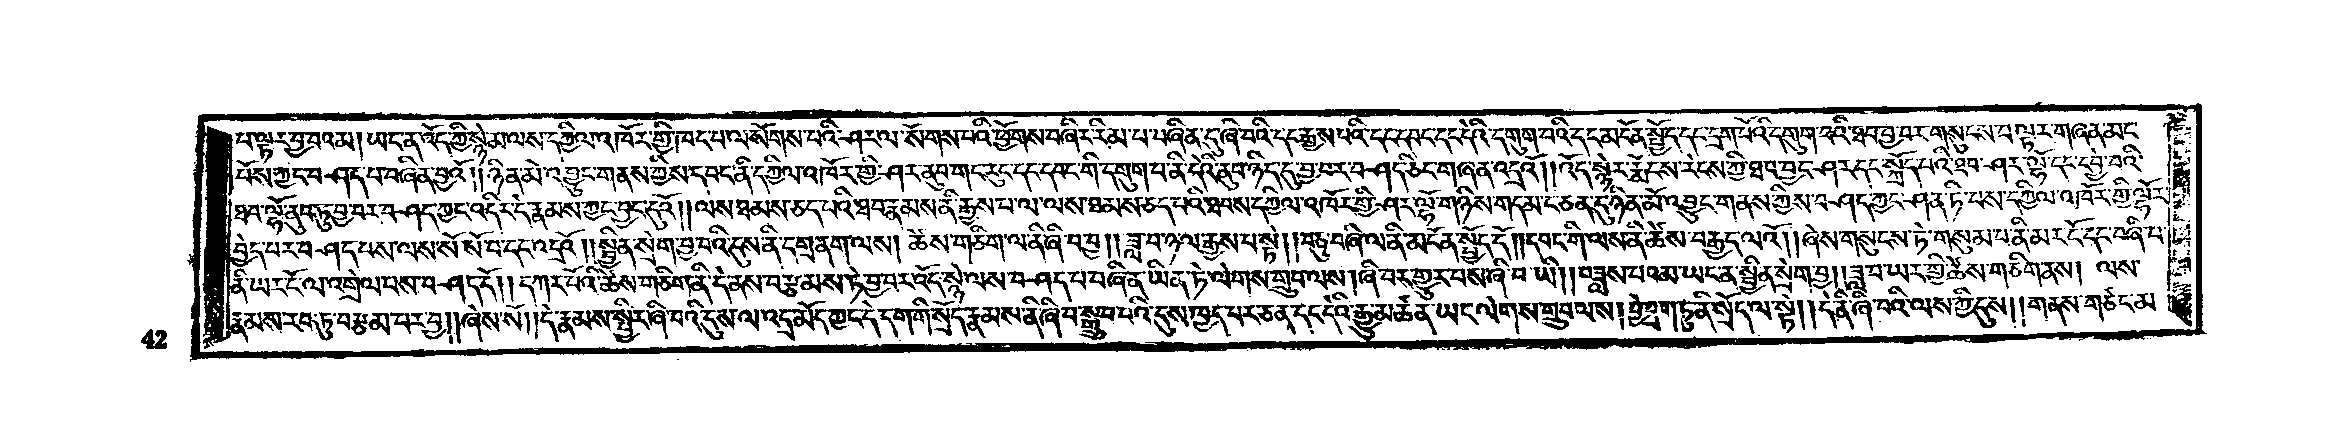པ་ལྟར་བྱ་བའམ། ཡང་ན་འོད་ཀྱི་སྙེ་མ་ལས་དཀྱིལ་འཁོར་གྱི་ཁང་པ་ལ་སོགས་པའི་ཤར་ལ་སོགས་པའི་ཕྱོགས་བཞིར་རིམ་པ་བཞིན་དུ་ཞི་བའི་དང་རྒྱས་པའི་དང་དབང་དང་དེའི་དགུག་པའི་དང་མངོན་སྤྱོད་དང་དྲག་པོའི་དགུག་བའི་ཐབ་བྱ་བར་གསུངས་པ་ལྟར་གཞན་མང་
པོས་ཀྱང་བཤད་པ་བཞིན་བྱའོ། །ཉིན་མེ་འབྱུང་གནས་ཀྱིས་དབང་ནི་དཀྱིལ་འཁོར་གྱི་ཤར་ནུབ་གང་རུང་དང་དབང་གི་དགུག་པ་ནི་དེའི་ནུབ་ཉིད་དུ་བྱ་བར་བཤད་ཅིང་གཞན་འདྲའོ། །འོད་སྙེར་རྨོངས་རེངས་ཀྱི་ཐབ་བྱང་ཤར་དང་སྐྲོད་པའི་ཐབ་ཤར་ལྷོ་དང་དབྱེ་བའི་
ཐབ་ལྷོ་ནུབ་ཏུ་བྱ་བར་བཤད་ཀྱང་འདིར་དེ་རྣམས་ཀྱང་བྱང་དུའོ། །ལས་ཐམས་ཅད་པའི་ཐབ་རྣམས་ནི་རྒྱས་པ་ལ་ལས་ཐམས་ཅད་པའི་ཐབས་དཀྱིལ་འཁོར་གྱི་ཤར་ལྷོ་གཉིས་གདམ་ང་ཅན་དུ་ཉིན་མོ་འབྱུང་གནས་ཀྱིས་བཤད་ཀྱང་ཤན་ཏི་པས་དཀྱིལ་འཁོར་གྱི་ལྷོར་
བྱེད་པར་བཤད་པས་ལས་སོ་སོ་བ་དང་འདྲའོ། །སྦྱིན་སྲེག་བྱ་བའི་དུས་ནི་དགྲ་ནག་ལས། ཚེས་གཅིག་ལ་ནི་ཞི་བ་བྱ། །ཟླ་བ་ཉ་ལ་རྒྱས་པ་སྟེ། །བཅུ་བཞི་ལ་ནི་མངོན་སྤྱོད་དོ། །དབང་གི་ལས་ནི་ཚེས་བརྒྱད་ལའོ། །ཞེས་གསུངས་ཏེ་གསུམ་པ་ནི་མར་ངོ་དང་བཞི་པ་
ནི་ཡར་ངོ་ལ་འགྲེལ་པས་བཤད་དོ། །དཀར་པོའི་ཚེས་གཅིག་ནི་དེ་ནས་བརྩམས་ཏེ་བྱ་བར་འོད་སྙེ་ལས་བཤད་པ་བཞིན་ཡིན་ཏེ་ལེགས་གྲུབ་ལས། ཞི་བར་གྱུར་པས་ཞི་བ་ཡི། །བཟླས་པའམ་ཡང་ན་སྦྱིན་སྲེག་བྱ། །ཟླ་བ་ཡར་གྱི་ཚེས་གཅིག་ནས། ལས་
རྣམས་རབ་ཏུ་བརྩམ་པར་བྱ། །ཞེས་སོ། །དེ་རྣམས་སྤྱིར་ཞི་བའི་དུས་ལ་འདྲ་མོད་ཀྱང་དེ་དག་གི་སྲོད་རྣམས་ནི་ཞི་བ་སྒྲུབ་པའི་དུས་ཁྱད་པར་ཅན་དང་དེའི་རྒྱུ་མཚན་ཡང་ལེགས་གྲུབ་ལས། བྱེ་བྲག་ཏུ་ནི་སྲོད་ལ་སྟེ། །དེ་ནི་ཞི་བའི་ལས་ཀྱི་དུས། །གནས་གཙང་མ་